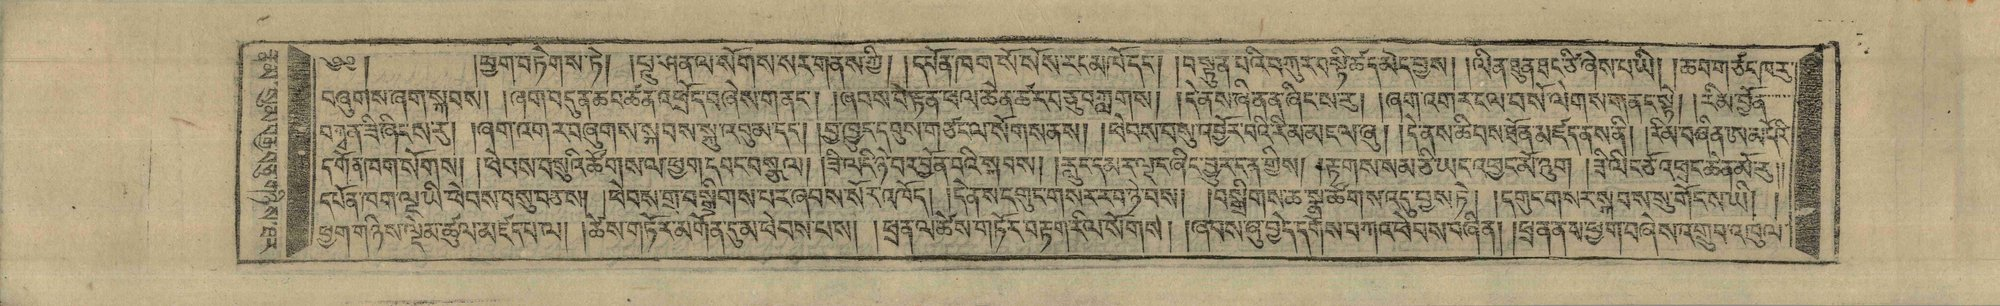༄༅། །ཕྱག་བཏེགས་ཏེ། །པཱུ་ཤན་ལ་སོགས་སར་གནས་ཀྱི། །དཔོན་ཁག་སོ་སོས་རང་མཁོ་དང་། །བསྟུན་པའི་བཀུར་བསྟི་ཚད་མེད་བྱས། །ལིན་ཐུན་ཐང་ཙི་ཞེས་པ་ཡི། །ཆབ་གཙང་ཁ་རུ་
བཞུགས་ཞག་སྐབས། །ཞག་བདུན་ཆབ་ཚན་འཕྲོད་བཞེས་གནང་། །ཞབས་བརྟན་ཕལ་ཆེན་ཚར་བཅུ་བཀླགས། །དེ་ནས་ཞི་ནན་ཞིང་ས་རུ། །ཞག་འགར་ངལ་བསོ་ལེགས་གནང་སྟེ། །རིམ་བྱོན་
བཀྭན་ཟི་ཞིང་ས་རུ། །ཞག་འགར་བཞུགས་སྐབས་སྐུ་འབུམ་དང་། །བྱ་ཁྱུང་དབུས་གཙང་ལ་སོགས་ནས། །ཕེབས་བསུ་འབྱོར་བའི་རིམ་མཇལ་ཞུ། །དེ་ནས་ཆིབས་ཐོན་མཛད་ནས་ནི། །རིམ་བཞིན་ཨ་མདོའི་
དགོན་ཁག་སོགས། །ཕེབས་བསུའི་ཚོགས་ལ་ཕྱག་དབང་བསྩལ། །ཟི་ལིང་ཉེ་བར་བྱོན་བའི་སྐབས། །རླུང་དམར་ལྡང་ཞིང་བྱུར་ངན་གྱིས། །རྟགས་སམ་ཅི་ཡང་འཕྱང་མོ་ཉུག །ཟི་ལིང་ཅོ་འཕྲང་ཆེན་མོ་རུ། །
དཔོན་ཁག་ལྔ་ཡི་ཕེབས་བསུ་བཅས། །ཕེབས་གྲ་བསྒྲིགས་པར་ཞབས་སོར་འཁོད། །དེ་ནས་དགུང་གསར་རབ་ཉེ་བས། །བསྒྲིགས་ཆ་སྣ་ཚོགས་འདུ་བྱས་ཏེ། །དགུང་གསར་སྐབས་སུ་གོང་ས་ཡི། །
ཕྱག་གཉིས་ལྡེམ་ཚུལ་མཛད་པ་ལ། །ཚེས་གཏོར་མགོན་དུ་མ་ཕེབས་པས། །ཕྲན་ལ་ཚེས་གཏོར་བརྟག་རིལ་སོགས། །ཞབས་ཞུ་བྱེད་དགོས་བཀའ་ཕེབས་བཞིན། །ཕྲན་ནས་ཕྱག་བཞེས་འགྲུབ་འཁུལ་